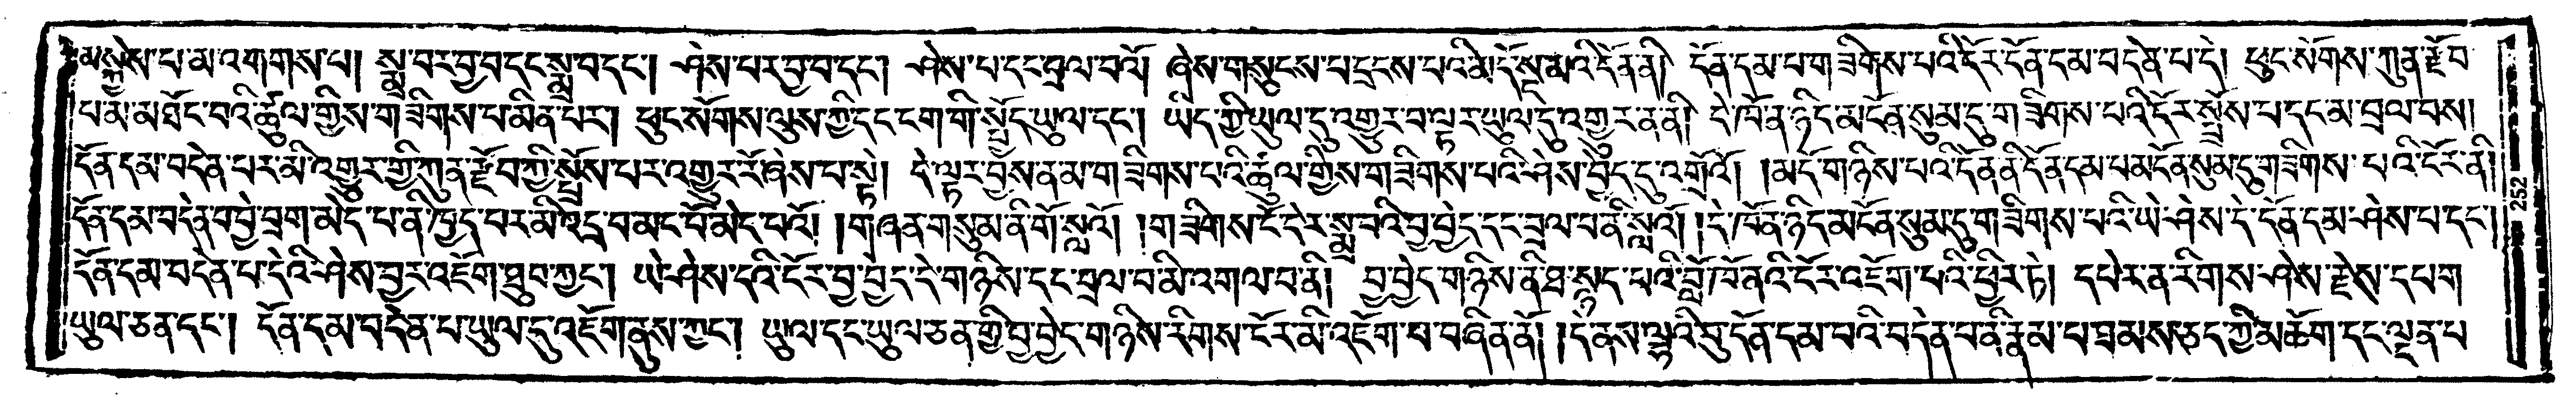མ་སྐྱེས་པ་མ་འགགས་པ། སྨྲ་བར་བྱ་བ་དང་སྨྲ་བ་དང་། ཤེས་པར་བྱ་བ་དང་། ཤེས་པ་དང་བྲལ་བའོ། ཞེས་གསུངས་པ་དྲངས་པའི་མདོ་སྔ་མའི་དོན་ནི། དོན་དམ་པ་གཟིགས་པའི་ངོར་དོན་དམ་བདེན་པ་དེ། ཕུང་སོགས་ཀུན་རྫོབ་
པ་མ་མཐོང་བའི་ཚུལ་གྱིས་གཟིགས་པ་མིན་པར། ཕུང་སོགས་ལུས་ཀྱི་དང་ངག་གི་སྤྱོད་ཡུལ་དང་། ཡིད་ཀྱི་ཡུལ་དུ་འགྱུར་བ་ལྟར་ཡུལ་དུ་འགྱུར་ན་ནི། དེ་ཁོ་ན་ཉིད་མངོན་སུམ་དུ་གཟིགས་པའི་ངོར་སྤྲོས་པ་དང་མ་བྲལ་བས།
དོན་དམ་བདེན་པར་མི་འགྱུར་གྱི་ཀུན་རྫོབ་ཀྱི་སྤྲོས་པར་འགྱུར་རོ་ཞེས་པ་སྟེ། དེ་ལྟར་བྱས་ན་མ་གཟིགས་པའི་ཚུལ་གྱིས་གཟིགས་པའི་ཤེས་བྱེད་དུ་འགྲོའོ། །མདོ་གཉིས་པའི་དོན་ནི་དོན་དམ་པ་མངོན་སུམ་དུ་གཟིགས་པའི་ངོར་ནི།
དོན་དམ་བདེན་པ་བྱེ་བྲག་མེད་པ་ནི་ཁྱད་པར་མི་འདྲ་བ་མང་པོ་མེད་པའོ། །གཞན་གསུམ་ནི་གོ་སླའོ། །གཟིགས་ངོ་དེར་སྨྲ་བའི་བྱ་བྱེད་དང་བྲལ་བ་ནི་སླའོ། །དེ་ཁོ་ན་ཉིད་མངོན་སུམ་དུ་གཟིགས་པའི་ཡེ་ཤེས་དེ་དོན་དམ་ཤེས་པ་དང་།
དོན་དམ་བདེན་པ་དེའི་ཤེས་བྱར་འཇོག་ཐུབ་ཀྱང་། ཡེ་ཤེས་དེའི་ངོར་བྱ་བྱེད་དེ་གཉིས་དང་བྲལ་བ་མི་འགལ་བ་ནི། བྱ་བྱེད་གཉིས་ནི་ཐ་སྙད་པའི་བློ་ཁོ་ནའི་ངོར་འཇོག་པའི་ཕྱིར་ཏེ། དཔེར་ན་རིགས་ཤེས་རྗེས་དཔག་
ཡུལ་ཅན་དང་། དོན་དམ་བདེན་པ་ཡུལ་དུ་འཇོག་ནུས་ཀྱང་། ཡུལ་དང་ཡུལ་ཅན་གྱི་བྱ་བྱེད་གཉིས་རིགས་ངོར་མ་འཇོག་པ་བཞིན་ནོ། །དེ་ནས་ལྷའི་བུ་དོན་དམ་པའི་བདེན་པ་ནི་རྣམ་པ་ཐམས་ཅད་ཀྱི་མཆོག་དང་ལྡན་པ་